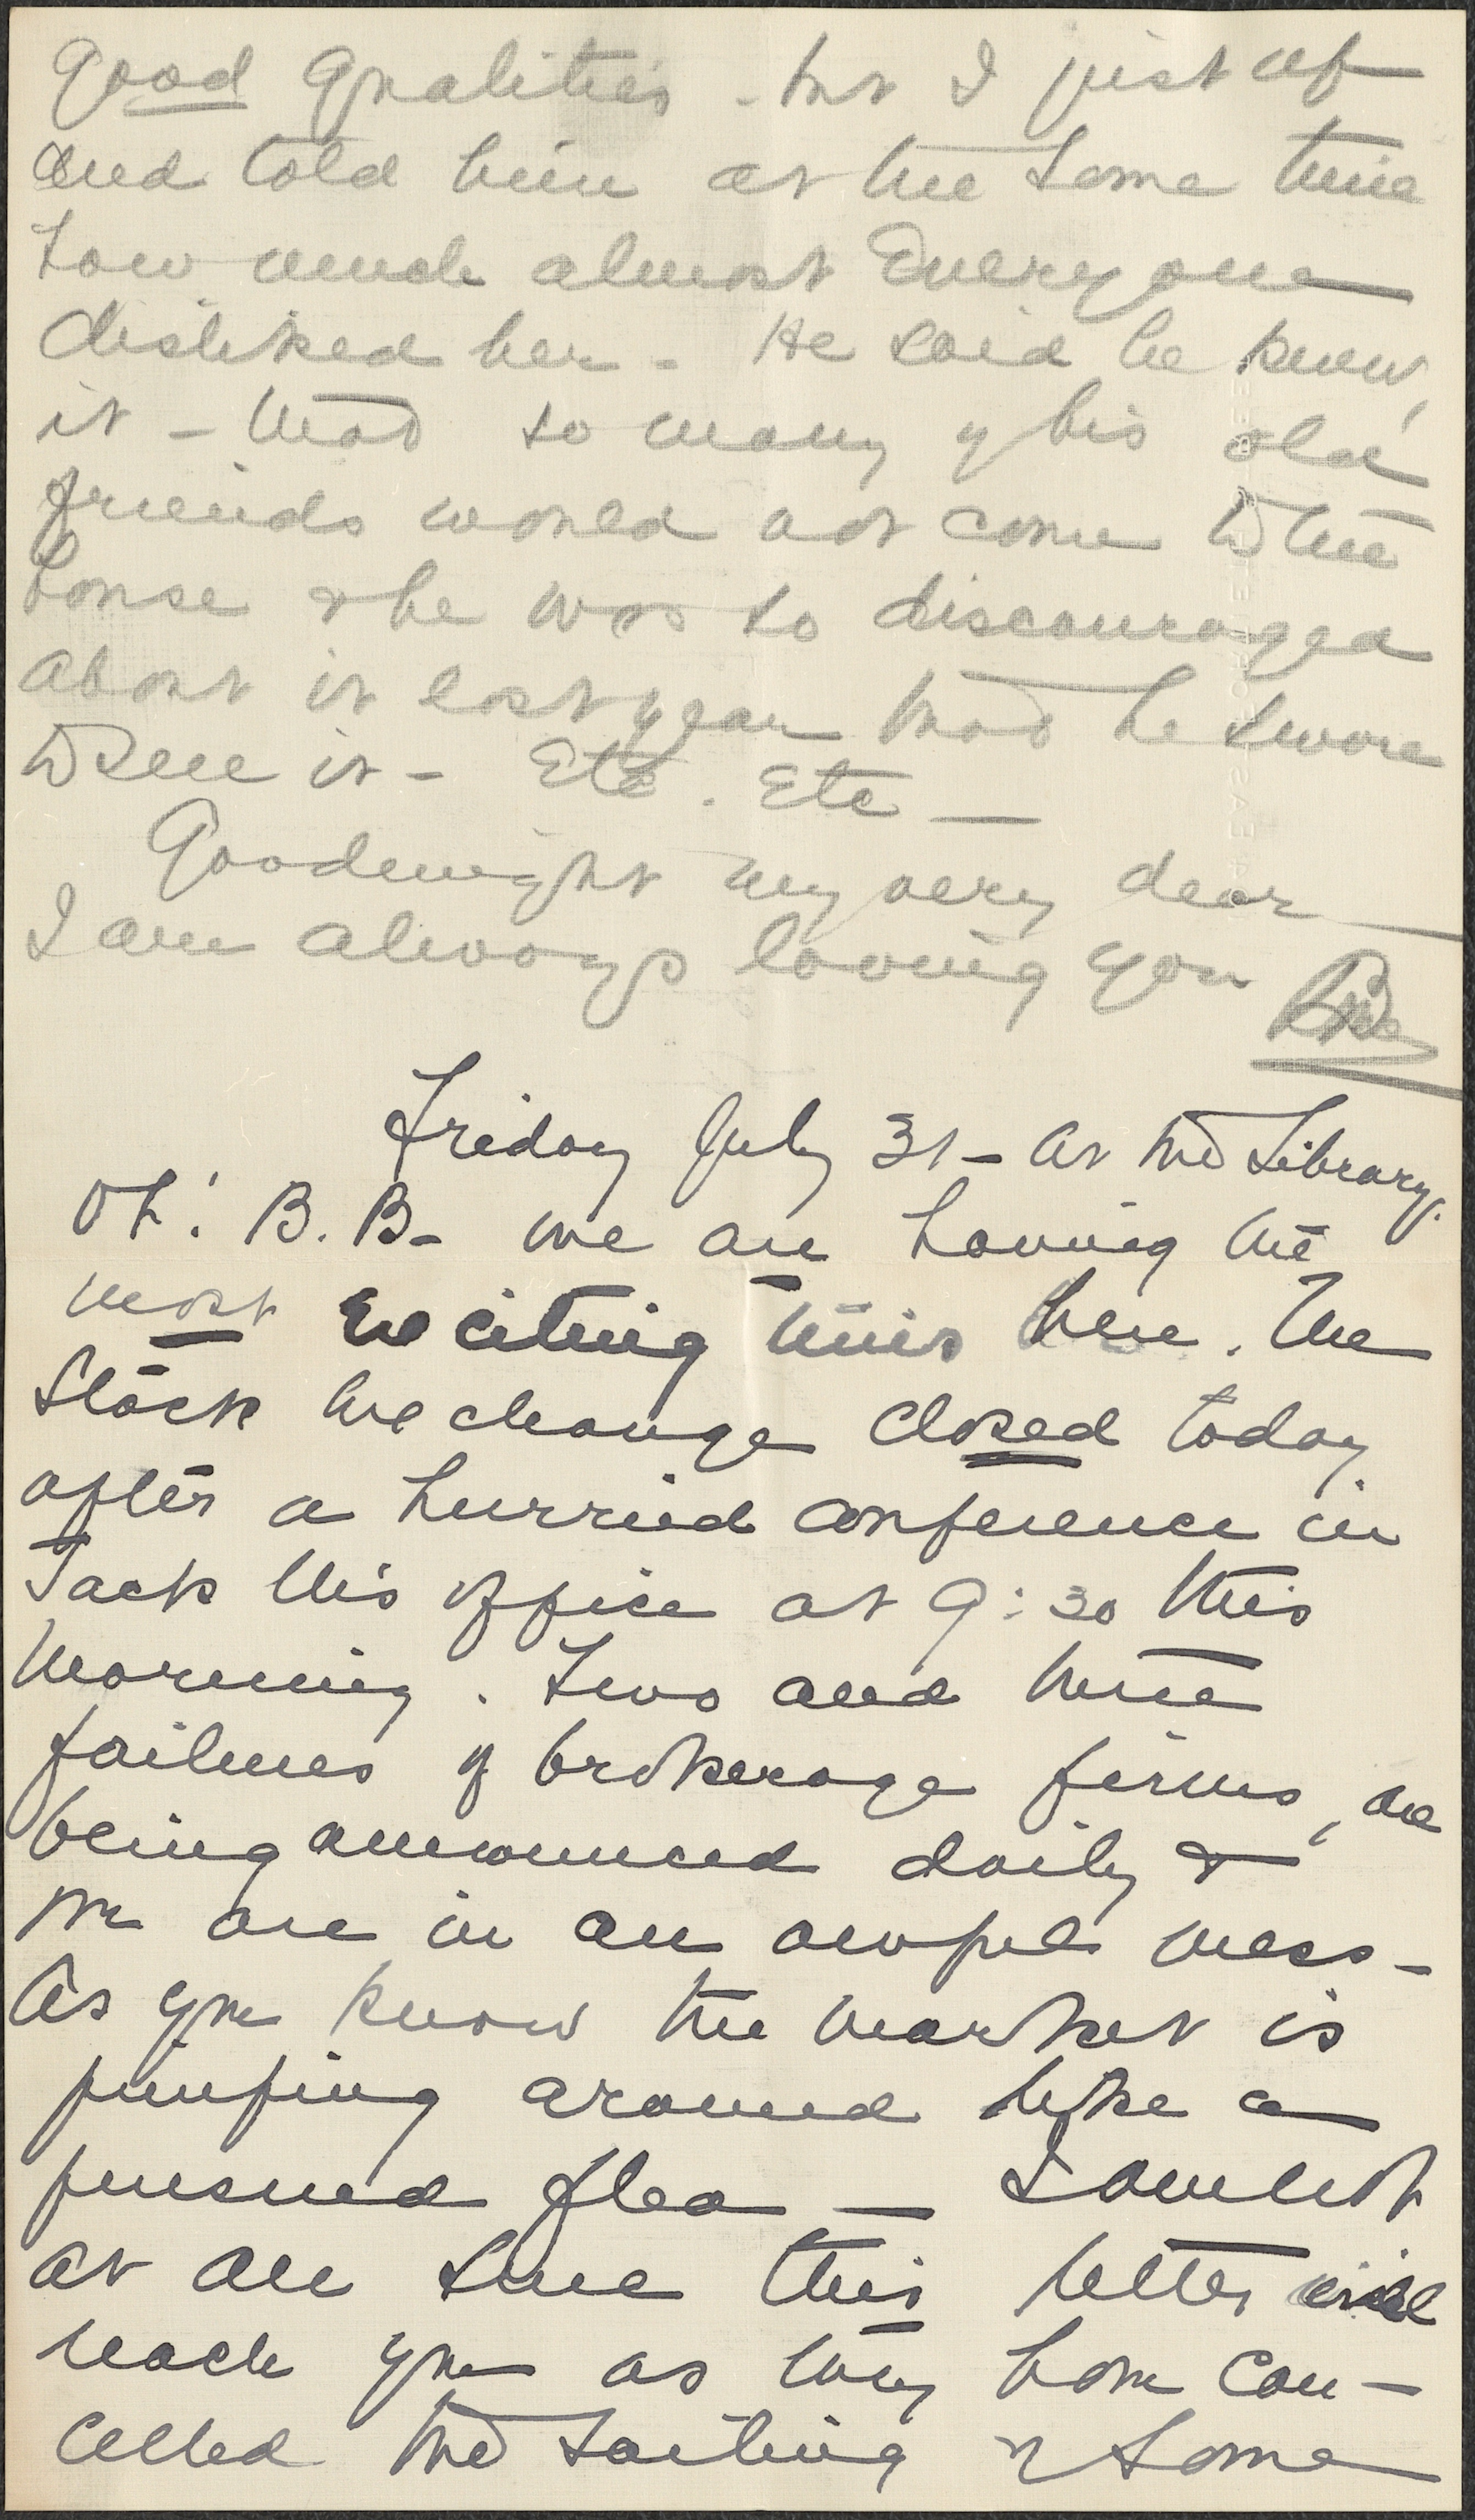good qualities – but I just up and told him at the same time how much almost everyone disliked her – He said he knew it – that so many of his old friends would not come to the house & he was so discouraged about it last year that he swore to sell it – etc. etc –
Goodnight my very dear – I am always loving you Belle
Friday July 31 – At the Library.
oh! B. B. – we are having the most exciting times here. The stock exchange closed today after a hurried conference in Jack M’s office at 9:30 this morning. Two and three failures of brokerage firms, are being announced daily & we are in an awful mess – As you know the market is jumping around like a pursued flea – I am not at all sure this letter will reach you as they have canceled the sailing of some